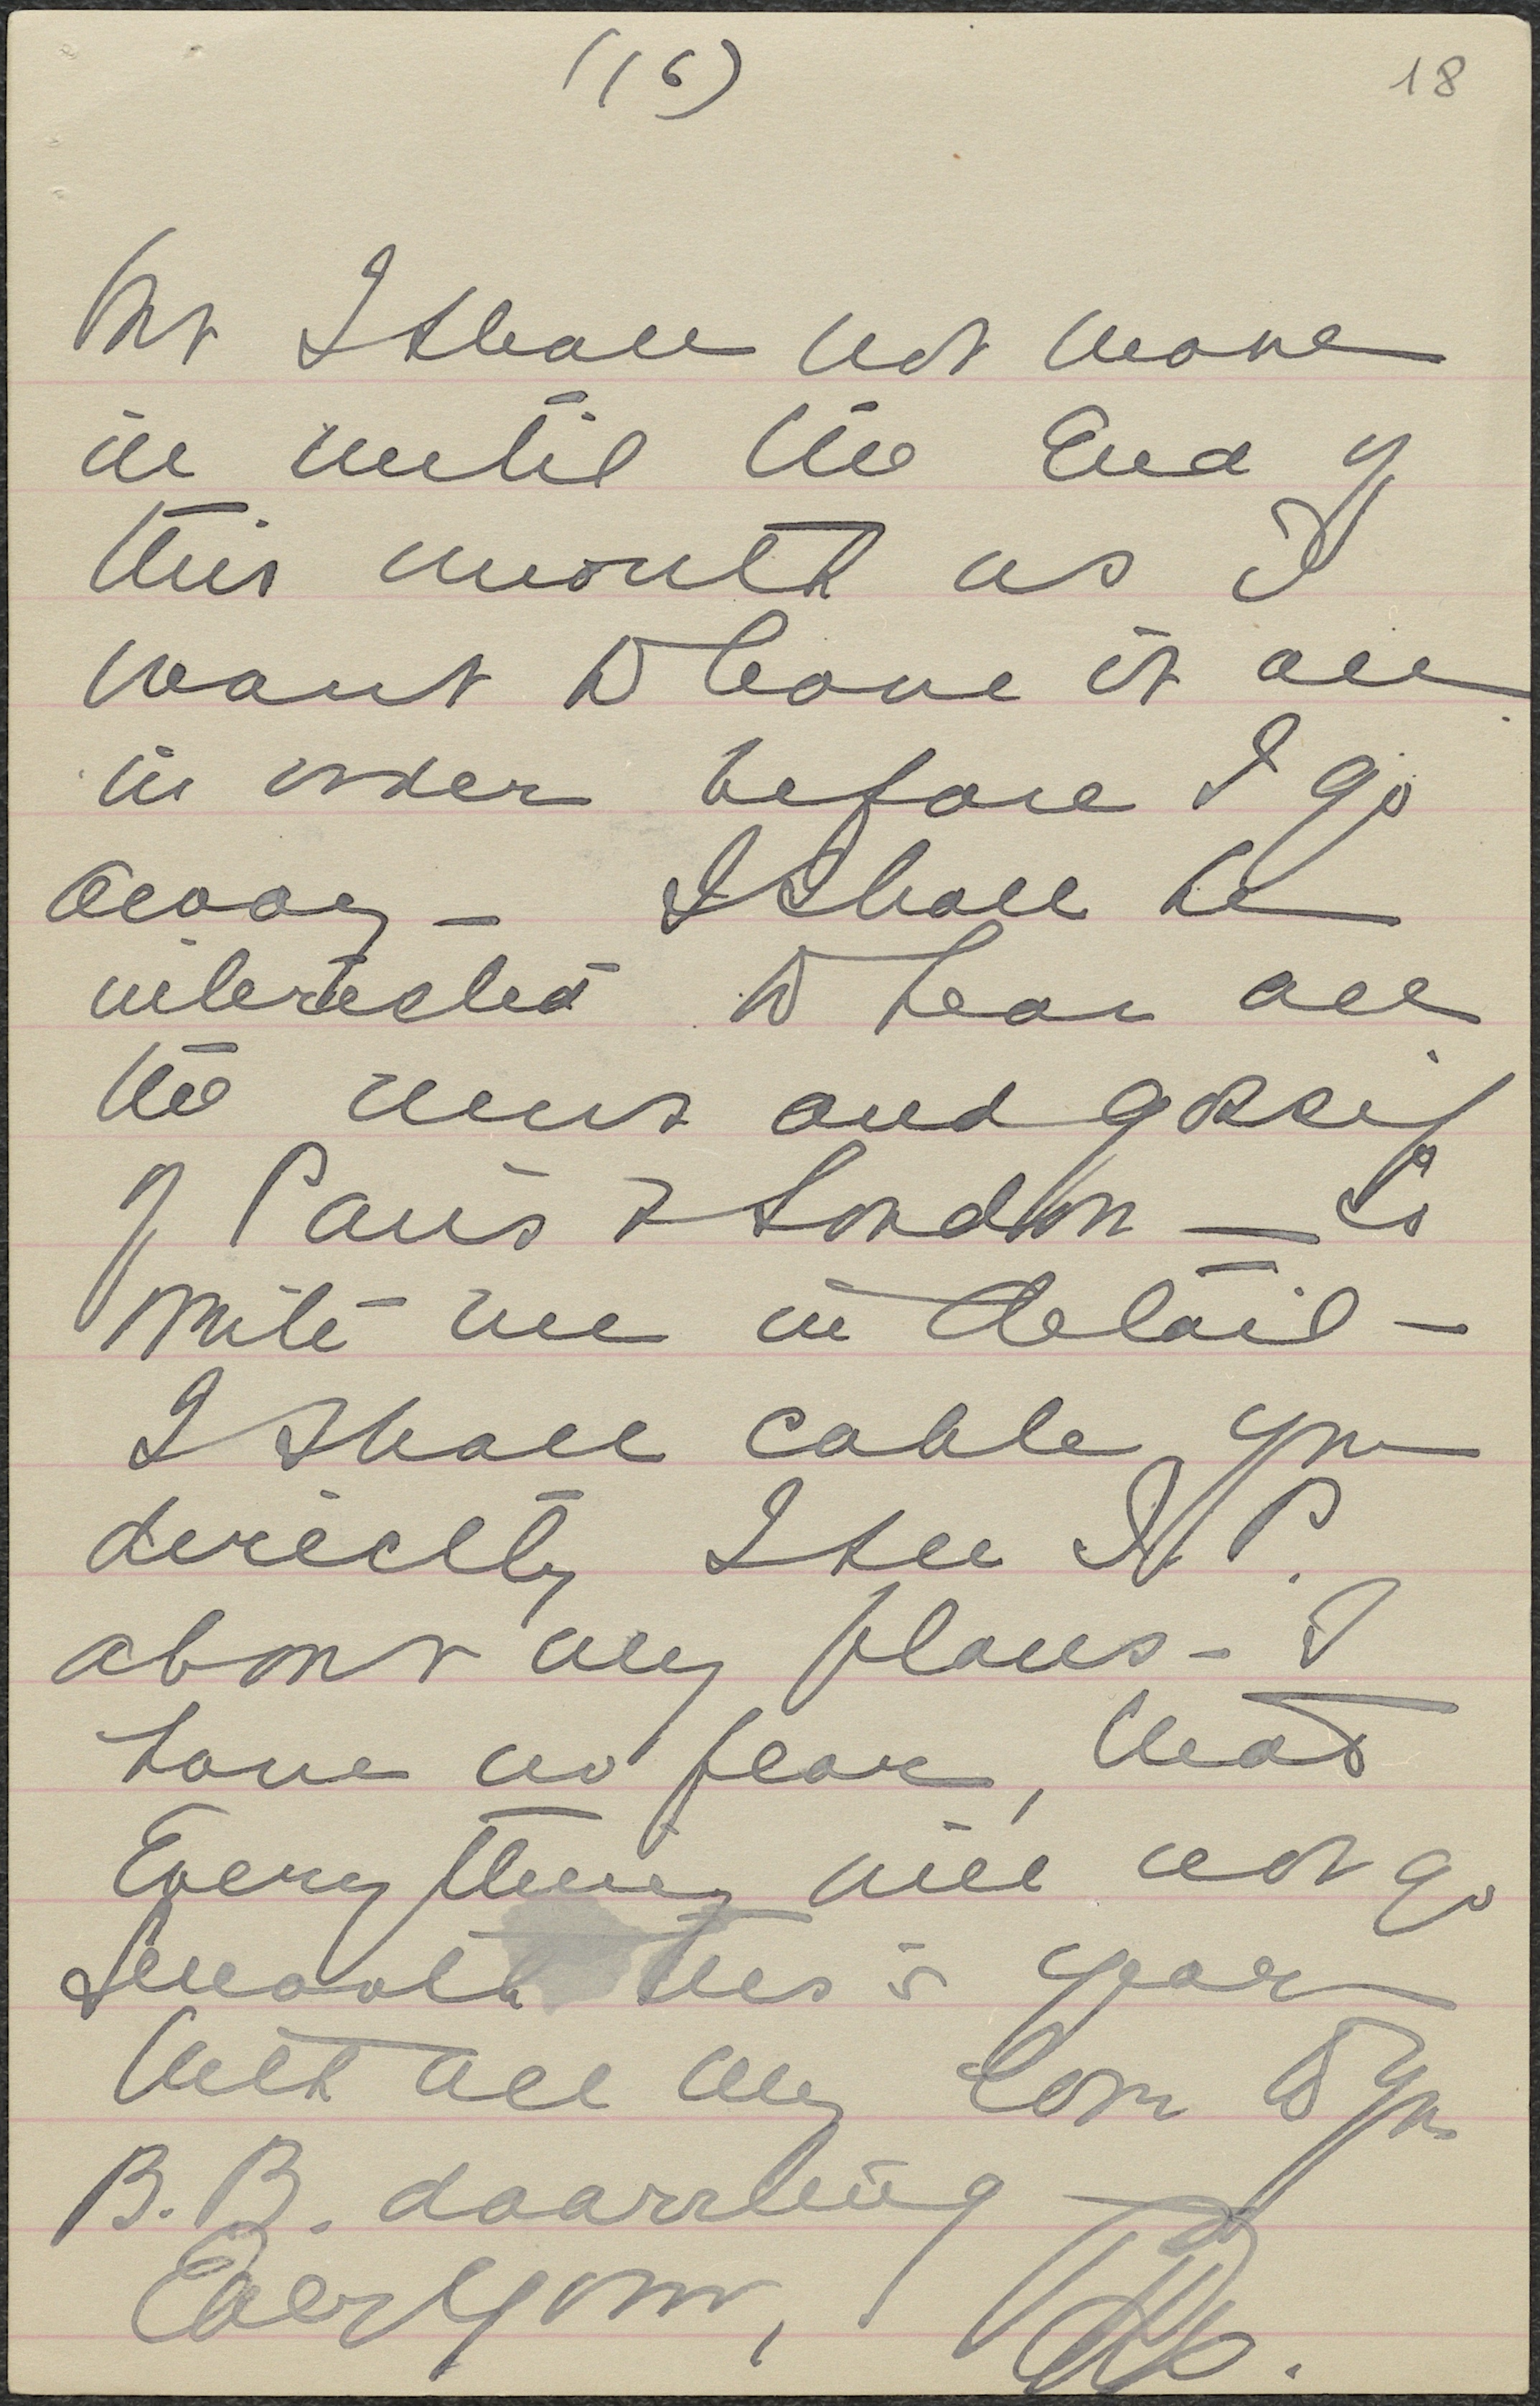(16)
but I shall not move in until the end of this month as I want to have it all in order before I go away – I shall be interested to hear all the news and gossip of Paris & London – So write me in detail – I shall cable you directly I see J. P. about my plans – I have no fear, that everything will not go smooth this year
With all my love to you B. B. daarrling –
Every Your, Belle.